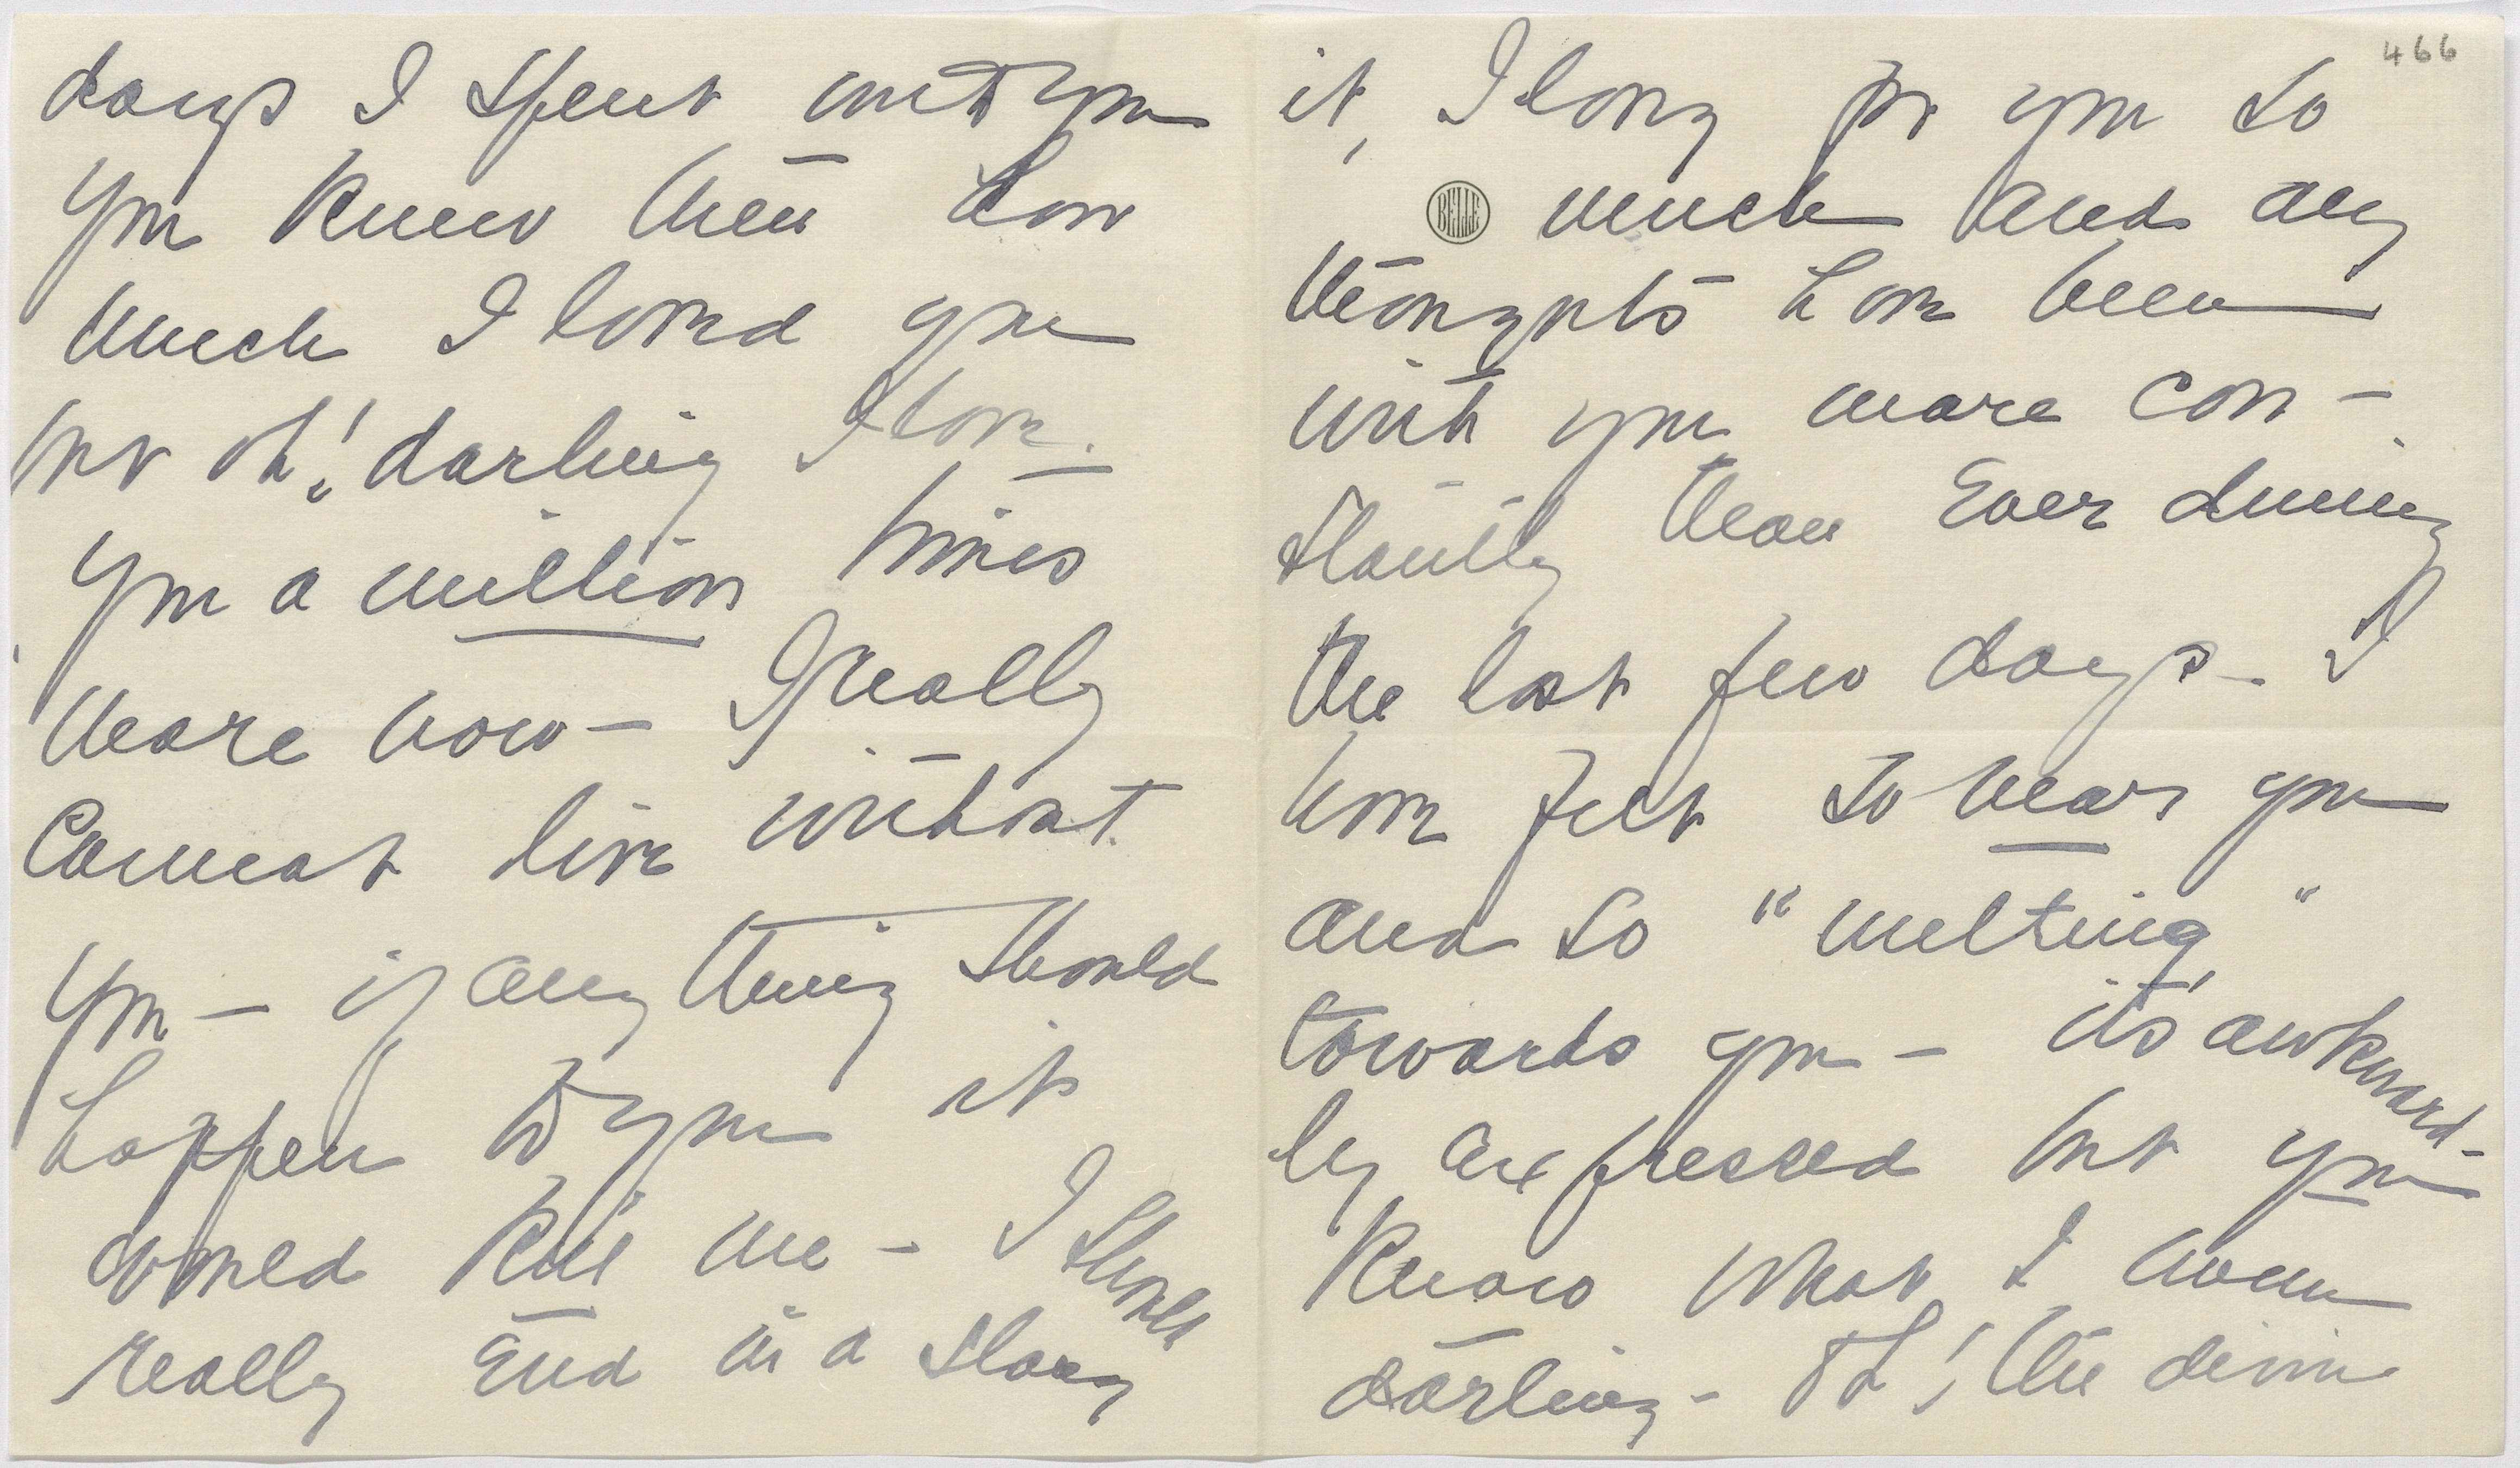it, I long for you so much and my thoughts have been with you more constantly than ever during the last few days. I have felt so near you and so “melting” towards you – it’s awkwardly expressed but you know what I mean darling – oh! The divine
days I spent with you you knew then how much I loved you but oh! darling I love you a million times more now – I really cannot live without you – if any thing should happen to you it would kill me – I shall really end in a slang